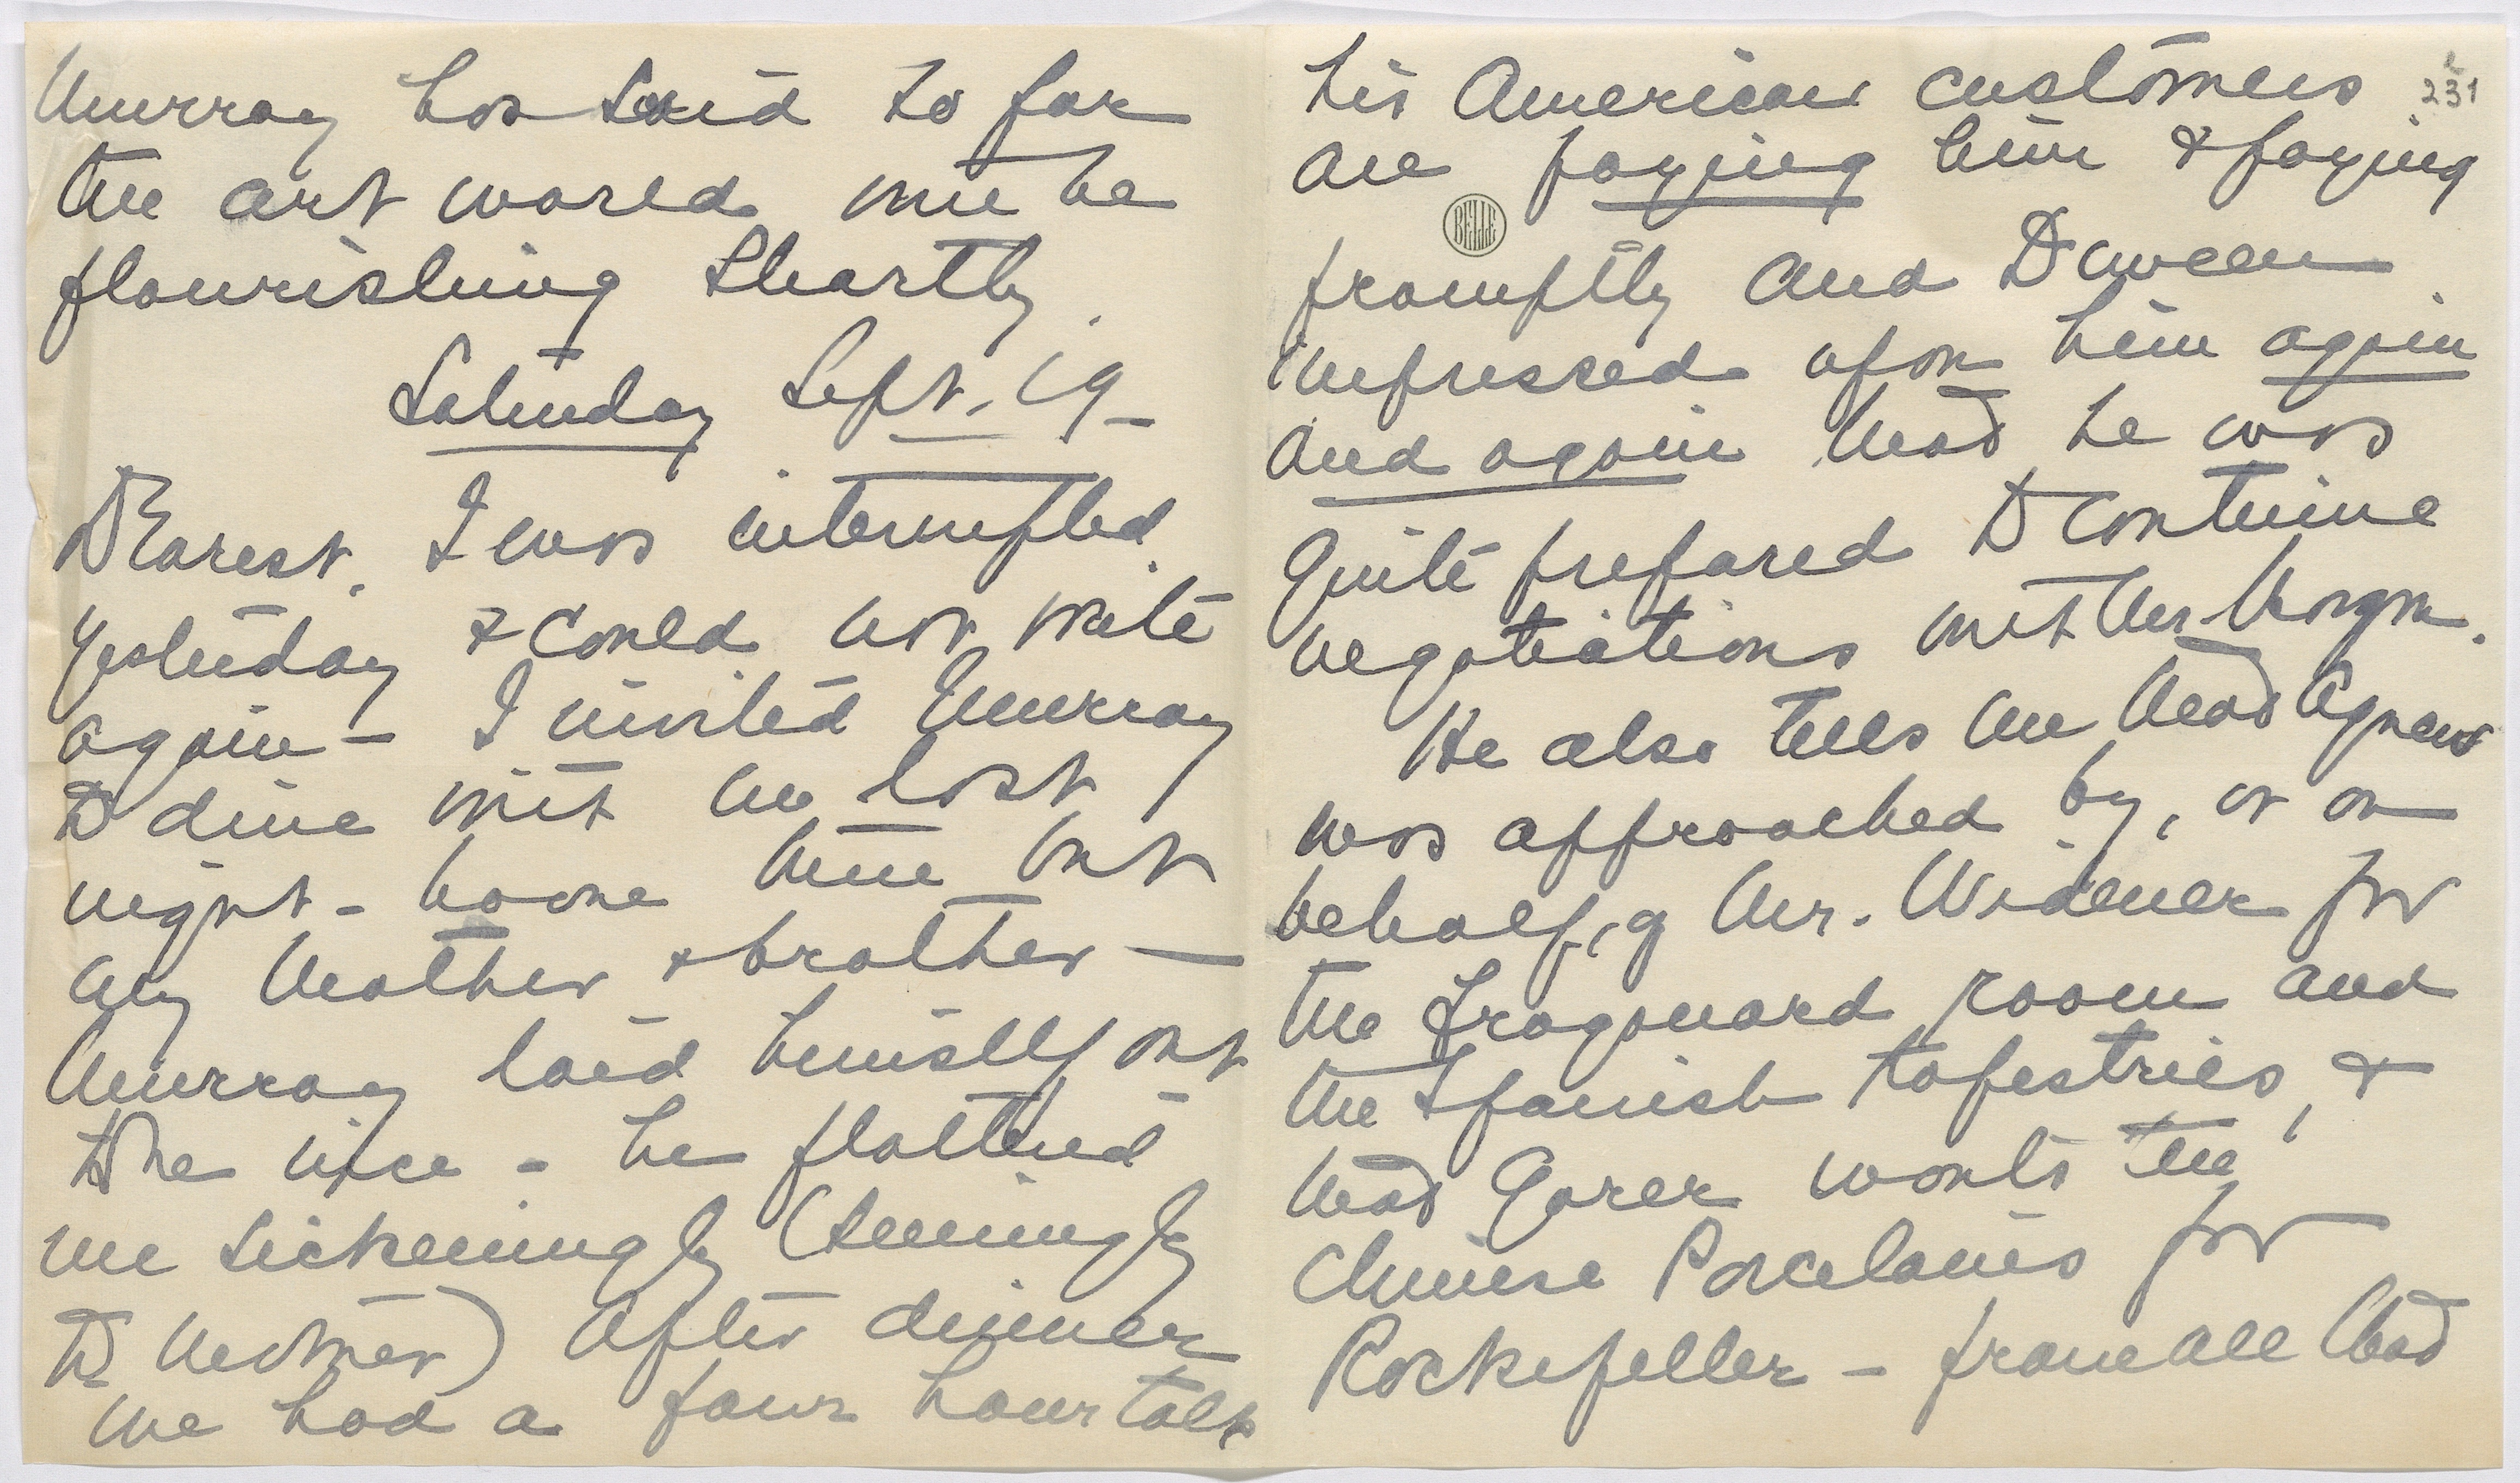his American customers are paying him & paying promptly and Duveen impressed upon him again and again that he was quite prepared to continue negotiations with Mr. Morgan.
He also tells me that Agnew was approached by, or on behalf, of Mr. Widener for the Fragonard room and the Spanish tapestries, & that Gorer wants the Chinese Porcelains for Rockefeller – from all that
Murray has said so far the art world will be flourishing shortly.
Saturday Sept. 19 –
Dearest, I was interrupted yesterday & could not write again – I invited Murray to dine with me last night – no one there but my mother & brother – Murray laid himself out to be nice – he flattered me sickeningly (seemingly to mother) After dinner we had a four hour talk